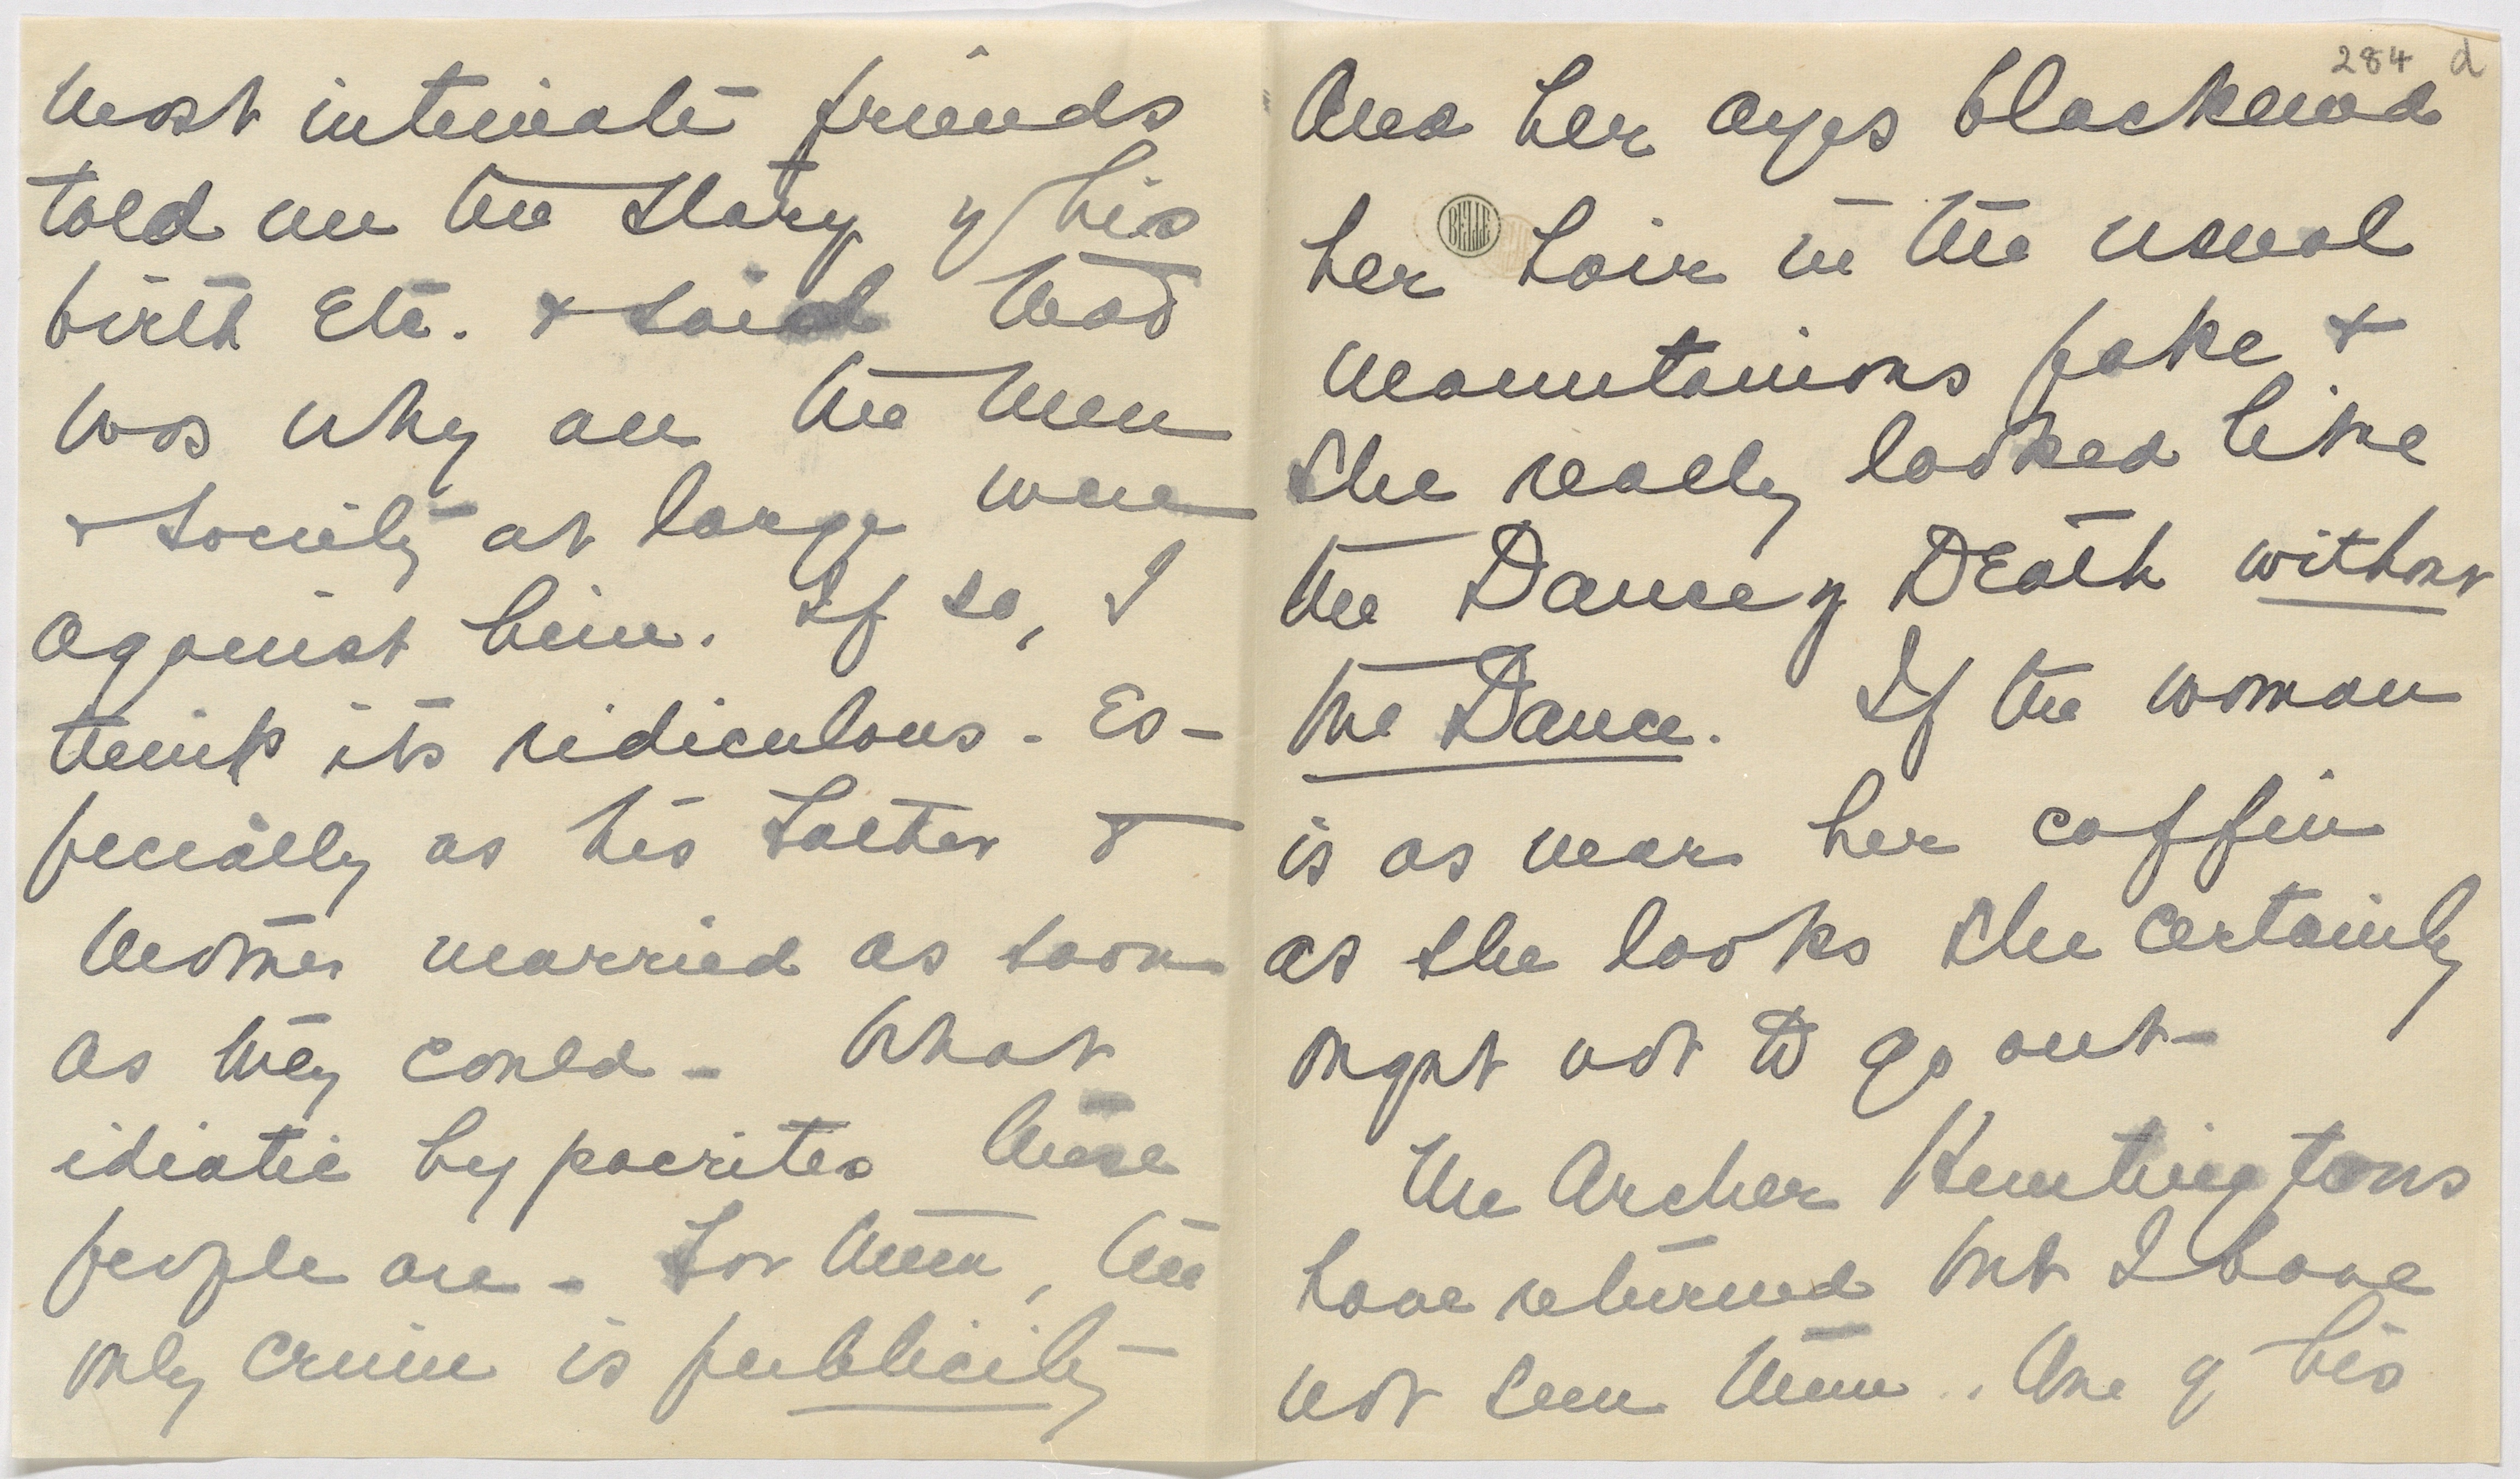and her eyes blackened her hair in the usual mountainous poke & she really looked like the Dance of Death without the Dance. If the woman is as near her coffin as she looks she certainly ought not to go out –
The Archer Huntingtons have returned but I have not seen them. One of his
most intimate friends told me the story of his birth etc. & said that was why all the men & Society at large were against him. If so, I think its ridiculous – especially as his Father & Mother married as soon as they could – What idiotic hypocrites these people are – For them, the only crime is publicity